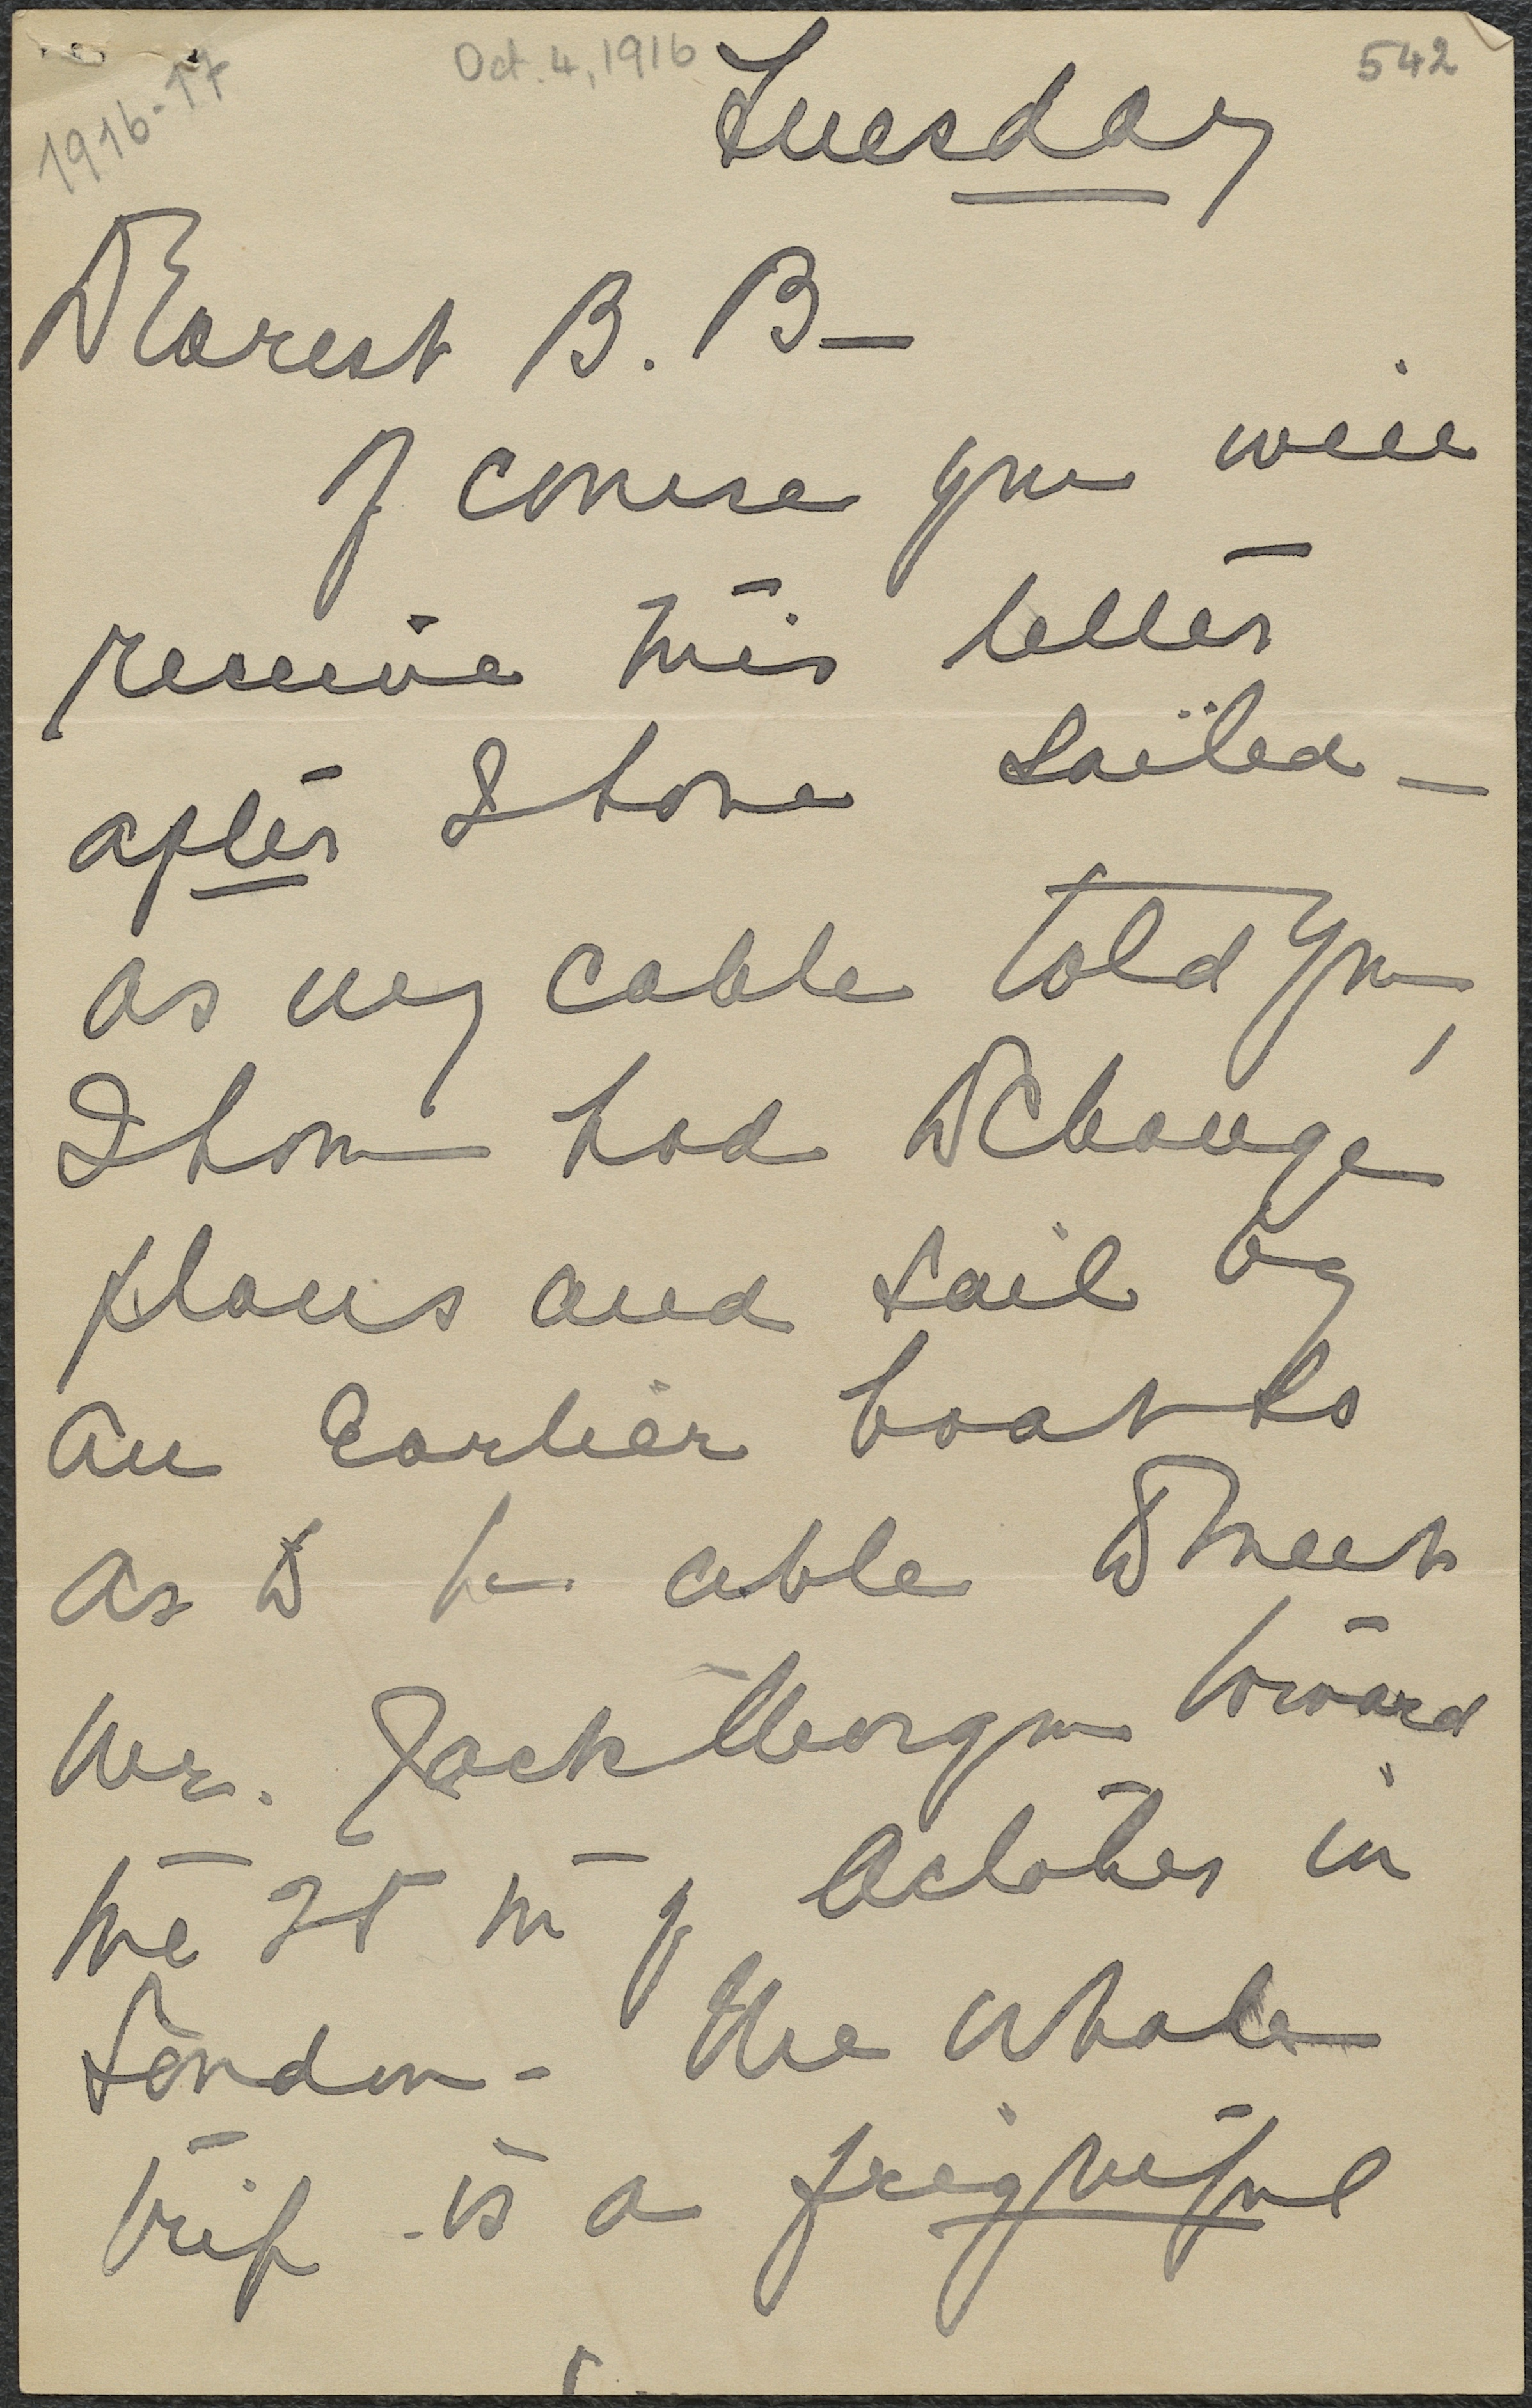Tuesday
Dearest B. B –
of course you will receive this letter after I have sailed – as my cable told you, I have had to change plans and sail by an earlier boat so as to be able to meet Mr. Jack Morgan toward the 25th of October in London – the whole trip is a frightful